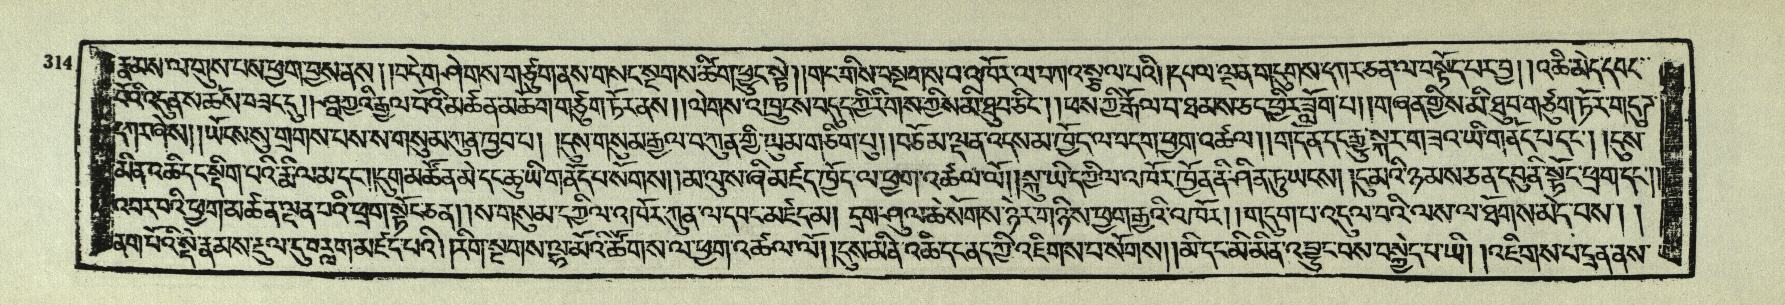རྣམས་ལ་གུས་པས་ཕྱག་བྱས་ནས། །བདེ་གཤེགས་གཙུག་ནས་གསང་སྔགས་ཚིག་ཕྱུང་སྟེ། །གང་གིས་བསྔགས་བ་འཁོར་ལ་བཀའ་སྩལ་པའི། །དཔལ་ལྡན་གདུགས་དཀར་ཅན་ལ་བསྟོད་པར་བྱ། །འཆི་མེད་དབང་
བོའི་འདུན་ས་ཆོས་བཟང་དུ། །ཤཱཀྱའི་རྒྱལ་པོའི་མཚན་མཆོག་གཙུག་ཏོར་ནས། །ལེགས་འཁྲུངས་བདུད་ཀྱི་རིགས་ཀྱིས་མི་ཐུབ་ཅིང་། །ཕས་ཀྱི་རྒོལ་བ་ཐམས་ཅད་ཕྱིར་ཟློག་པ། །གཞན་གྱིས་མི་ཐུབ་གཙུག་ཏོར་གདུཌ་
དཀར་ཞེས། །ཡོངས་སུ་གྲགས་པས་ས་གསུམ་ཀུན་ཁྱབ་པ། །དུས་གསུམ་རྒྱལ་བ་ཀུན་གྱི་ཡུམ་གཅིག་པུ། །བཅོམ་ལྡན་འདས་མ་ཁྱོད་ལ་བདག་ཕྱག་འཚལ། །གདོན་དང་རྒྱུ་སྐར་གཟའ་ཡི་གནོད་པ་དང་། །དུས་
མིན་འཆི་དང་སྡིག་པའི་རྨི་ལམ་དང་། །དུག་མཚོན་མེ་དང་ཆུ་ཡི་གནོད་པ་སོགས། །མ་ལུས་ཞི་མཛད་ཁྱོད་ལ་ཕྱག་འཚལ་ལོ། །སྐུ་ཡི་དཀྱིལ་འཁོར་ཁྱོན་ནི་ཤིན་ཏུ་ཡངས། །དུ་མའི་ཉམས་ཅན་དབུ་ནི་སྟོང་ཕྲག་དང།།
འབར་བའི་ཕྱག་མཚན་ལྡན་པའི་ཕྲག་སྟོང་ཅན། །ས་གསུམ་དཀྱིལ་འཁོར་ཀུན་ལ་དབང་མཛད་མ། དྲག་ཤུལ་ཆེ་སོགས་ཉེར་གཉིས་ཕྱག་རྒྱའི་འཁོར། །གདུག་པ་འདུལ་བའི་ལས་ལ་ཐོགས་མེད་པས། །
ནག་པོའི་སྡེ་རྣམས་རྡུལ་དུ་བརླག་མཛད་པའི། །རིག་སྔགས་ལྷ་མོའི་ཚོགས་ལ་ཕྱག་འཚལ་ལོ། །དུས་མིན་འཆི་དང་ནད་ཀྱི་འཇིགས་པ་སོགས། །མི་དང་མི་མིན་འབྱུང་བས་བསྐྱེད་པ་ཡི། །འཇིགས་པ་དྲན་ནས་